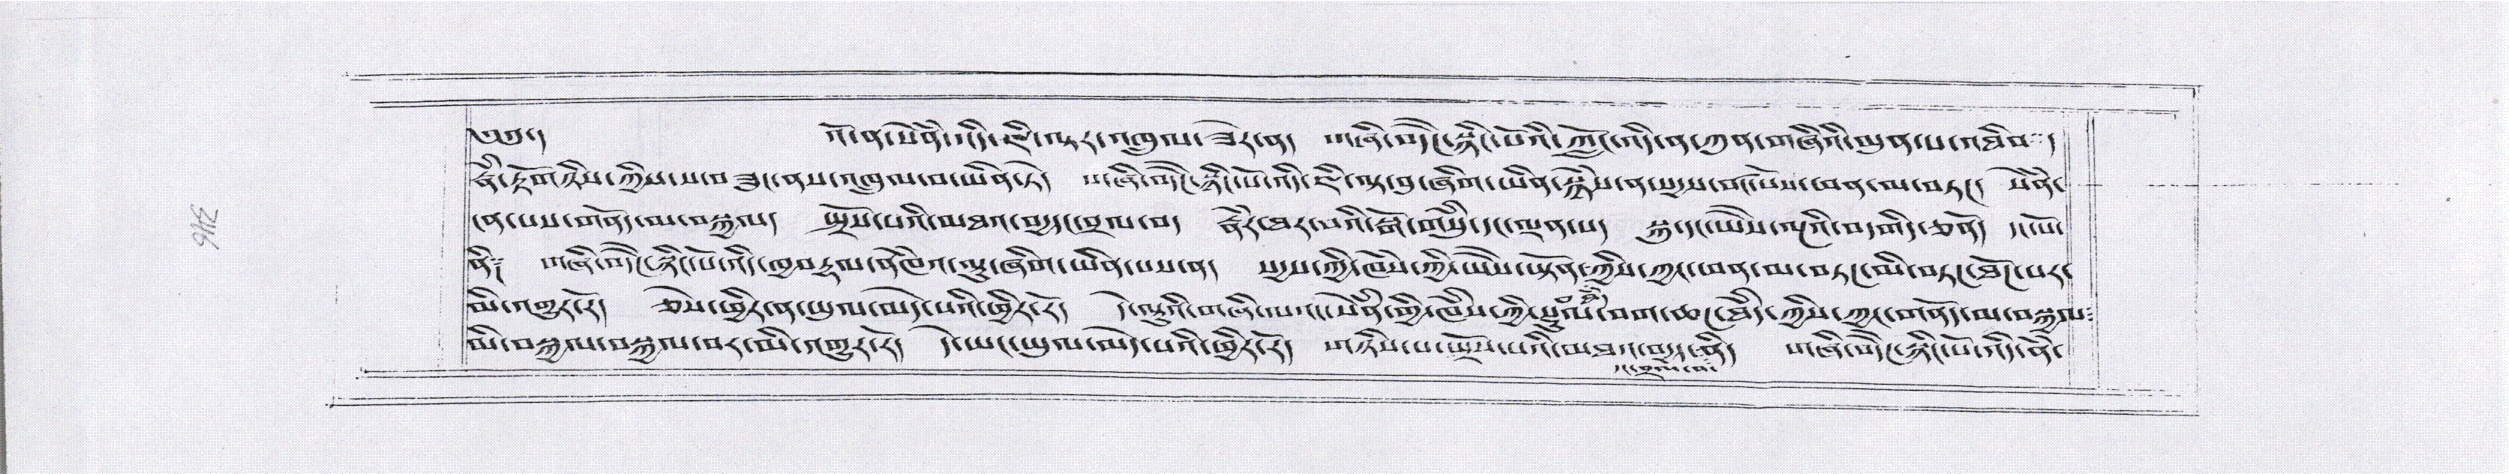འོ་ན་སེམས་ཅན་འདི་ཇི་ལྟར་འཁྲུལ་ཟེར་ན། གཞི་བདེ་གཤེགས་སྙིང་པོའི་ཀློང་འདི་ན་ཀུན་གཞིའི་མུན་པ་འཐིབ། 
རྣམ་རྟོག་གཉིས་ཀྱིས་ས་བཟུང་ནས་འཁྲུལ་བ་ཡིན་ཏེ། གཞི་བདེ་གཤེགས་སྙིང་པོ་འདི་ཇི་ལྟ་བུ་ཞིག་ཡིན་སྙམས་ན་སངས་རྒྱས་བཟང་པོས་ཕན་ལ་བཏགས། སེམས་ཅན་
ངན་པས་གནོད་མ་བསྐྱལ། སྤྲོས་པའི་མཐའ་བརྒྱད་དང་བྲལ་བ། རྣམ་པར་ཐར་པའི་སྒོ་གསུམ་དང་ལྡན་པ། སྐུ་དང་ཡེ་ཤེས་ལྔའི་བདག་ཉིད་ཅན་ནོ། དང་པོ་
ནི། གཞི་བདེ་གཤེགས་སྙིང་པོ་འདི་ཁྱབ་བརྡལ་ནམ་མཁའ་ལྟ་བུ་ཞིག་ཡིན་པས་ན། སངས་རྒྱས་ཀྱི་ཁམས་ཀྱི་ཡེ་ཤེས་ཡོན་ཏན་ཐམས་ཅད་ཀྱིས་ཀྱང་ཕན་མ་བཏགས་མི་བཏགས་ཐོགས་པར་
མི་འགྱུར་རོ། ཅེས་ཕྱིར་ན་ཡུལ་མེད་པའི་ཕྱིར་རོ། དེ་ལྟ་བུའི་གཞི་ལའང་སེམས་ཅན་གྱི་ཁམས་ཀྱི་སྡུག་བསྔལ་བག་ཆགས་ཐམས་ཅད་ཀྱིས་ཀྱང་གནོད་མ་བསྐྱལ་
མི་བསྐྱལ་བསྐྱལ་བར་མི་འགྱུར་རོ། དེ་ཡང་ཡུལ་མེད་པའི་ཕྱིར་རོ། གཉིས་པ་སྤྲོས་པའི་མཐའ་བརྒྱད་དང་བྲལ་བ་ནི། གཞི་བདེ་གཤེགས་སྙིང་པོ་འདི་ནི་